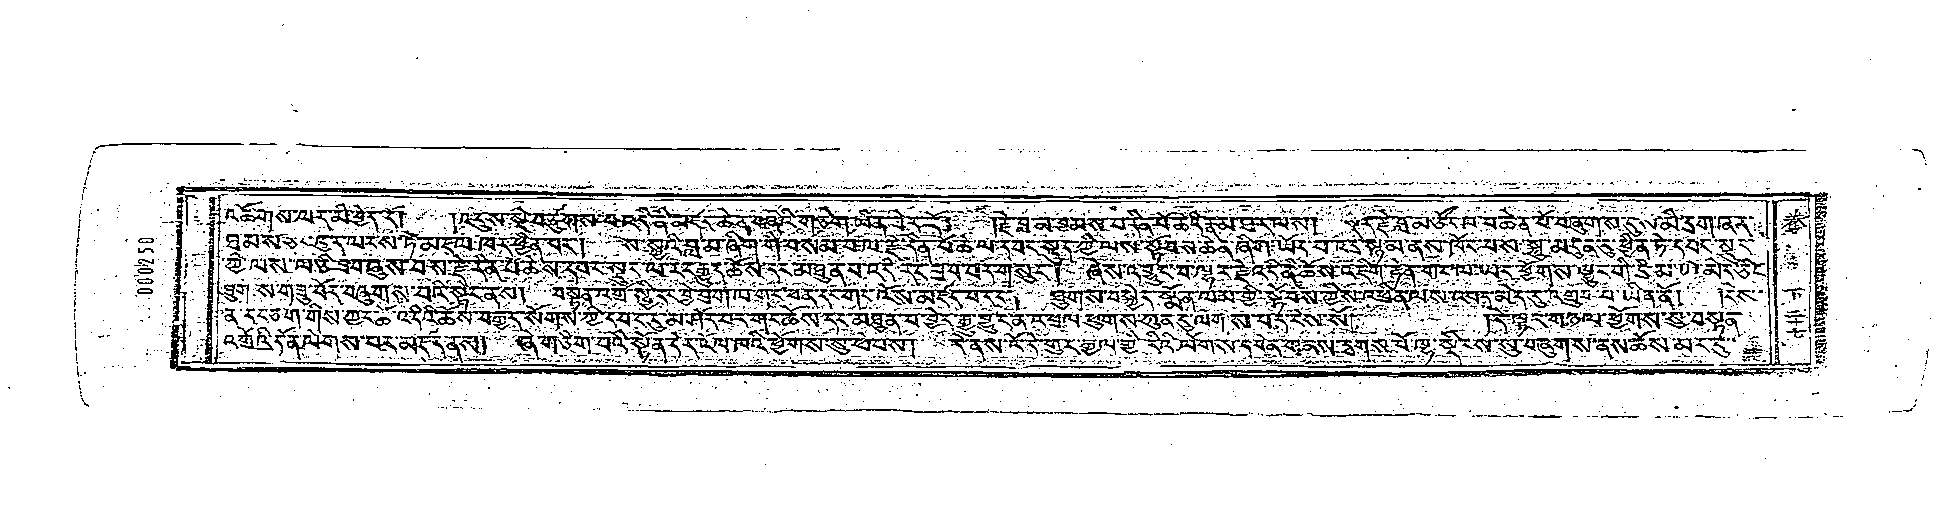འཆོགས་ལར་མི་བྱེད་དོ། །འདུས་སྡེ་བཙུགས་པ་འདི་ནི་མཛད་ཆེན་བཞིའི་གཅིག་ཡིན་ཟེར་རོ། །རྗེ་བླ་མ་བྱམས་པ་རིན་པོ་ཆེའི་རྣམ་ཐར་ལས། སྔར་རྗེ་བླ་མ་ཙོང་ཁ་པ་ཆེན་པོ་བཞུགས་དུས་མི་དྲ་གཞན་
ཐམས་ཅད་འུར་ལངས་ཏེ་མཇལ་ཁར་ཕྱིན་བར། ས་སྐྱའི་བླ་མ་ཞིག་གི་བསམ་པ་ལ་རྗེ་རིན་པོ་ཆེ་ལ་དབང་སྡུད་ཀྱི་ལས་སྟོབས་ཆེན་ཞིག་ཡོད་པ་འདྲ་སྙམ་ནས་ཁོང་པས་སྐུ་མདུན་དུ་ཕྱིན་ཏེ་དབང་སྡུད་
ཀྱི་ལས་ལ་ཅི་ཟབ་ཞུས་པས་རྗེ་རིན་པོ་ཆེས་དབང་སྡུད་ལ་རང་རྒྱུད་ཆོས་རང་མཐུན་པ་འདི་རང་ཟབ་བར་གསུང་། ཞེས་འབྱུང་བ་ལྷར་རྗེ་འདི་ནི་ཆོས་འཇིག་རྟེན་གང་ལ་ཡང་ཕྱོགས་ལྷུང་གི་དྲི་མ་ཡི་མེད་ཅིང་
ཐུགས་གཟུ་བོར་བཞུགས་པའི་སྟེང་ནས། བསྟན་འགྲོ་སྤྱི་དང་བྱེ་བྲག་ལ་གང་ཕན་དང་གང་འོས་མཛད་པ་དང་། ཐུགས་བསྐྱེད་སྨོན་ལམ་གྱི་སྟོབས་ཀྱིས་འཕྲིན་ལས་འབད་མེད་དུ་འགྲུབ་པ་ཡིན་ནོ། །ངེས་
ན་རང་ཅག་གིས་ཀྱང་ཚོ་འདིའི་ཆོས་བརྒྱད་སོགས་ཀྱི་དབང་དུ་མ་ཤོར་པར་གང་ཆོས་དང་མཐུན་པ་བྱེད་རྒྱུ་བྱུང་ན་འཕྲལ་ཕུགས་ཀུན་དུ་ལེགས་པར་ངེས་སོ། །དེ་ལྟར་གཉལ་ཕྱོགས་སུ་བསྟན་
འགྲོའི་དོན་ལེགས་པར་མཛད་ནས། ཞེ་གཅིག་པའི་སྟོན་དེར་འོལ་ཁའི་ཕྱོགས་སུ་ཕེབས། དེ་ནས་འོ་དེ་གུང་རྒྱལ་གྱི་རིའི་ལོགས་དབེན་གནས་དྭགས་པོ་ལྷ་སྡིངས་སུ་བཞུགས་ནས་ཆོས་མང་དུ་